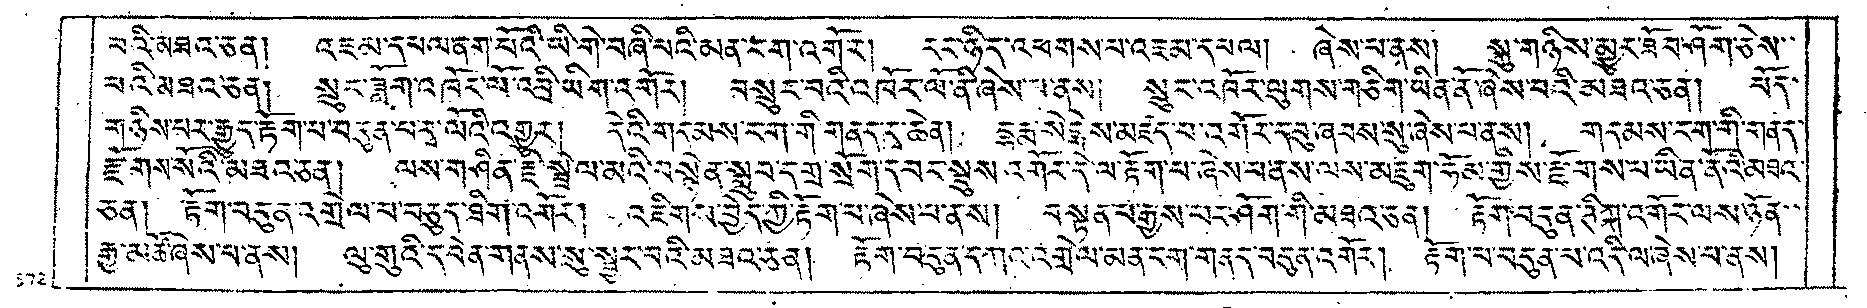བའི་མཐའ་ཅན། འཇམ་དཔལ་ནག་པོའི་ཡི་གེ་བཞི་པའི་མན་ངག་འགོར། རང་ཉིད་འཕགས་པ་འཇམ་དཔལ། ཞེས་པ་ནས། སྐུ་གཉིས་མྱུར་ཐོབ་ཤོག་ཅེས་
པའི་མཐའ་ཅན། སྲུང་ཟློག་འཁོར་ལོ་འབྲི་ཡིག་འགོར། བསྲུང་བའི་འཁོར་ལོ་ནི་ཞེས་པ་ནས། སྲུང་འཁོར་ལུགས་གཅིག་ཡིན་ནོ་ཞེས་པའི་མཐའ་ཅན། པོད་
གཉིས་པར་རྒྱུད་རྟོག་པ་བདུན་པ་རྭ་ལོའི་འགྱུར། དེའི་གདམས་ངག་གི་གནད་རྭ་ཆེན། དྷརྨ་སེངྒེས་མཛད་པ་འགོར་དབུ་ཞབས་སུ་ཞེས་པ་ནས། གདམས་ངག་གི་གནད་
རྫོགས་སོའི་མཐའ་ཅན། ལས་གཤིན་རྗེ་སྦྲེལ་མའི་བསྙེན་སྒྲུབ་དགྲ་སྲོག་དབང་སྡུས་འགོར་དེ་ལ་རྟོག་པ་ཞེས་པ་ནས་ལས་མཇུག་ཧོམ་གྱིས་རྫོགས་པ་ཡིན་ནོའི་མཐའ་
ཅན། རྟོག་བདུན་འགྲེལ་པ་བཅུད་ཐིག་འགོར། འཇིགས་བྱེད་ཀྱི་རྟོག་པ་ཞེས་པ་ནས། བསྟན་པ་རྒྱས་པར་ཤོག་གི་མཐའ་ཅན། རྟོག་བདུན་ཊིཀྐ་འགོར་ལས་ཉོན་
རྒྱ་མཚོ་ཞེས་པ་ནས། ལུ་གུའི་དབེན་གནས་སུ་སྦྱར་བའི་མཐའ་ཅན། རྟོག་བདུན་དཀའ་འགྲེལ་མན་ངག་གནད་བདུན་འགོར། རྟོག་པ་བདུན་པ་འདི་ལ་ཞེས་པ་ནས།